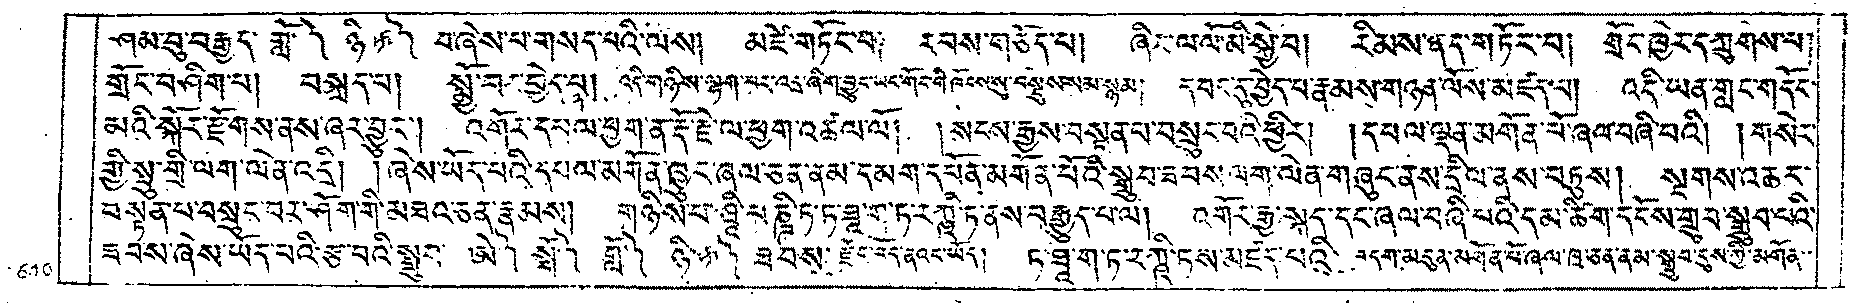ཤམ་བུ་བརྒྱད་གླ྄ོ་ཉི~྾?་པ་ཞེས་པ་གསད་པའི་ལས། མཛེ་གཏོང་བ། རབས་གཅོད་པ། ཞིང་ལ་ལོ་མི་སྐྱེ་བ། རིམས་ནད་གཏོང་བ། གྲོང་ཁྱེར་དཀྲུགས་པ།
གྲོང་བཤིག་པ། བསྐྲད་པ། སྨྱོ་བར་བྱེད་པ། འདི་གཉིས་ལྷག་པར་འདྲ་ཞིག་བྱུང་ཡང་གོང་གི་ཁོངས་སུ་བསྡུས་སམ་སྙམ།  དབང་དུ་བྱེད་པ་རྣམས་གཉན་ལོས་མཛད་པ། འདི་ཡན་གླང་གདོང་
མའི་སྐོར་རྫོགས་ནས་ཞར་བྱུང་། འགོར་དཔལ ༢་ཕྱག་ན་རྡོ་རྗེ་ལ་ཕྱག་འཚལ་ལོ། །སངས་རྒྱས་བསྟན་པ་བསྲུང་བའི་ཕྱིར། །དཔལ་ལྡན་མགོན་པོ་ཞལ་བཞི་པའི། །གསེར་
གྱི་སྤུ་གྲི་ལག་ལེན་འདྲི། །ཞེས་ཡོད་པའི་དཔལ་མགོན་ཁྱུང་ཞལ་ཅན་ནམ་དམག་དཔོན་མགོན་པོའི་སྒྲུབ་ཐབས་ལག་ལེན་གཞུང་ནས་དྲིལ་ནས་བཏུས། སྔགས་འཆང་
བསྟན་པ་བསྲུང་བར་ཤོག་གི་མཐའ་ཅན་རྣམས། གཉིས་པ་ཤྲཱི་པཎྜི་ཏ་ཏ་ཐཱ་ག་ཏ་རཀྵི་ཏ་ནས་བརྒྱུད་པ་ལ། འགོར་རྒྱ་སྐད་དང་ཞལ་བཞི་པའི་དམ་ཚིག་དངོས་གྲུབ་སྒྲུབ་པའི་
ཐབས་ཞེས་ཡོད་པའི་རྩ་བའི་སྒྲུབ་ཨ྄ེ་སྒ྄ོ་གླ྄ོ་ཉི~྾?་ཐབས་རྫོང་པོད་ནའང་ཡོད།  ཏ་ཐཱ་ག་ཏ་རཀྵི་ཏས་མཛད་པའི་བདག་མདུན་མགོན་པོ་ཞལ་ཁྲ་ཅན་ནམ་སྒྲུབ་དུས་ཀྱི་མགོན་